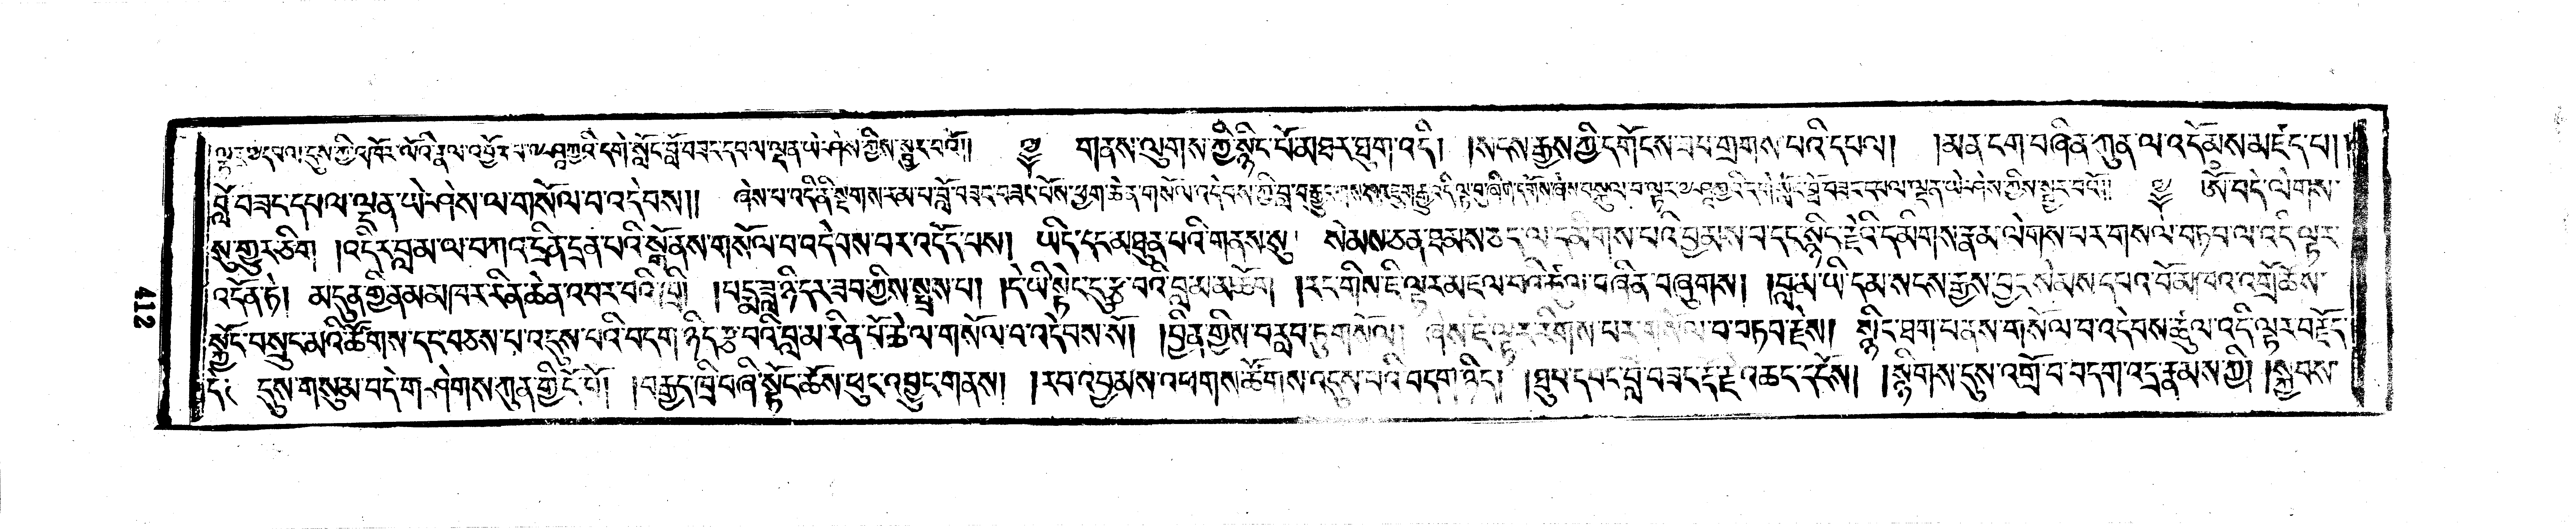ལྟར་༧་དཔལ་དུས་ཀྱི་འཁོར་ལོའི་རྣལ་འབྱོར་པ་༧་ཤཱཀྱའི་དགེ་སློང་བློ་བཟང་དཔལ་ལྡན་ཡེ་ཤེས་ཀྱིས་སྦྱར་བའོ།། ༈ གནས་ལུགས་ཀྱི་སྙིང་པོ་མཐར་ཐུག་འདི། །སངས་རྒྱས་ཀྱི་དགོངས་ཟབ་གྲགས་པའི་དཔལ། །མན་ངག་བཞིན་ཀུན་ལ་འདོམས་མཛད་པ། །
བློ་བཟང་དཔལ་ལྡན་ཡེ་ཤེས་ལ་གསོལ་བ་འདེབས།། ཞེས་པ་འདི་ནི་སྔགས་རམ་པ་བློ་བཟང་བཟང་པོས་ཕྱག་ཆེན་གསོལ་འདེབས་ཀྱི་བླ་བརྒྱུད་གྲས་སུ་འཇུག་རྒྱུ་འདི་ལྟ་བུ་ཞིག་དགོས་ཞེས་བསྐུལ་བ་ལྟར་༧་ཤཱཀྱའི་དགེ་སློང་བློ་བཟང་དཔལ་ལྡན་ཡེ་ཤེས་ཀྱིས་སྦྱར་བའོ།། ༈ ཨོཾ་བདེ་ལེགས་
སུ་གྱུར་ཅིག །འདིར་བླ་མ་ལ་བཀའ་དྲིན་དྲན་པའི་སྒོ་ནས་གསོལ་བ་འདེབས་པར་འདོད་པས། ཡིད་དང་མཐུན་པའི་གནས་སུ། སེམས་ཅན་ཐམས་ཅད་ལ་དམིགས་པའི་བྱམས་པ་དང་སྙིང་རྗེའི་དམིགས་རྣམ་ལེགས་པར་གསལ་བཏབ་ལ་འདི་ལྟར་
འདོན་ཏེ། མདུན་གྱི་ནམ་མཁར་རིན་ཆེན་འབར་བའི་ཁྲི། །པདམ་ཟླ་ཉི་དར་ཟབ་ཀྱིས་སྤྲས་པ། །དེ་ཡི་སྟེང་དུ་རྩ་བའི་བླ་མ་མཆོག །རང་གིས་ཇི་ལྟར་མཇལ་པའི་ཚུལ་བཞིན་བཞུགས། །བླ་མ་ཡི་དམ་སངས་རྒྱས་བྱང་སེམས་དཔའ་བོ་མཁའ་འགྲོ་ཆོས་
སྐྱོང་བསྲུང་མའི་ཚོགས་དང་བཅས་པ་འདུས་པའི་བདག་ཉིད་རྩ་བའི་བླ་མ་རིན་པོ་ཆེ་ལ་གསོལ་བ་འདེབས་སོ། །བྱིན་གྱིས་བརླབ་ཏུ་གསོལ། ཞེས་ཇི་ལྟར་རིགས་པར་གསོལ་བ་བཏབ་རྗེས། སྙིང་ཐག་པ་ནས་གསོལ་བ་འདེབས་ཚུལ་འདི་ལྟར་བརྗོད་
དེ༑ དུས་གསུམ་བདེ་གཤེགས་ཀུན་གྱི་ངོ་བོ། །བརྒྱད་ཁྲི་བཞི་སྟོང་ཆོས་ཕུང་འབྱུང་གནས། །རབ་འབྱམས་འཕགས་ཚོགས་འདུས་པའི་བདག་ཉིད། །ཐུབ་དབང་བློ་བཟང་རྡོ་རྗེ་འཆང་དངོས། །སྙིགས་དུས་འགྲོ་བ་བདག་འདྲ་རྣམས་ཀྱི། །སྐྱབས་